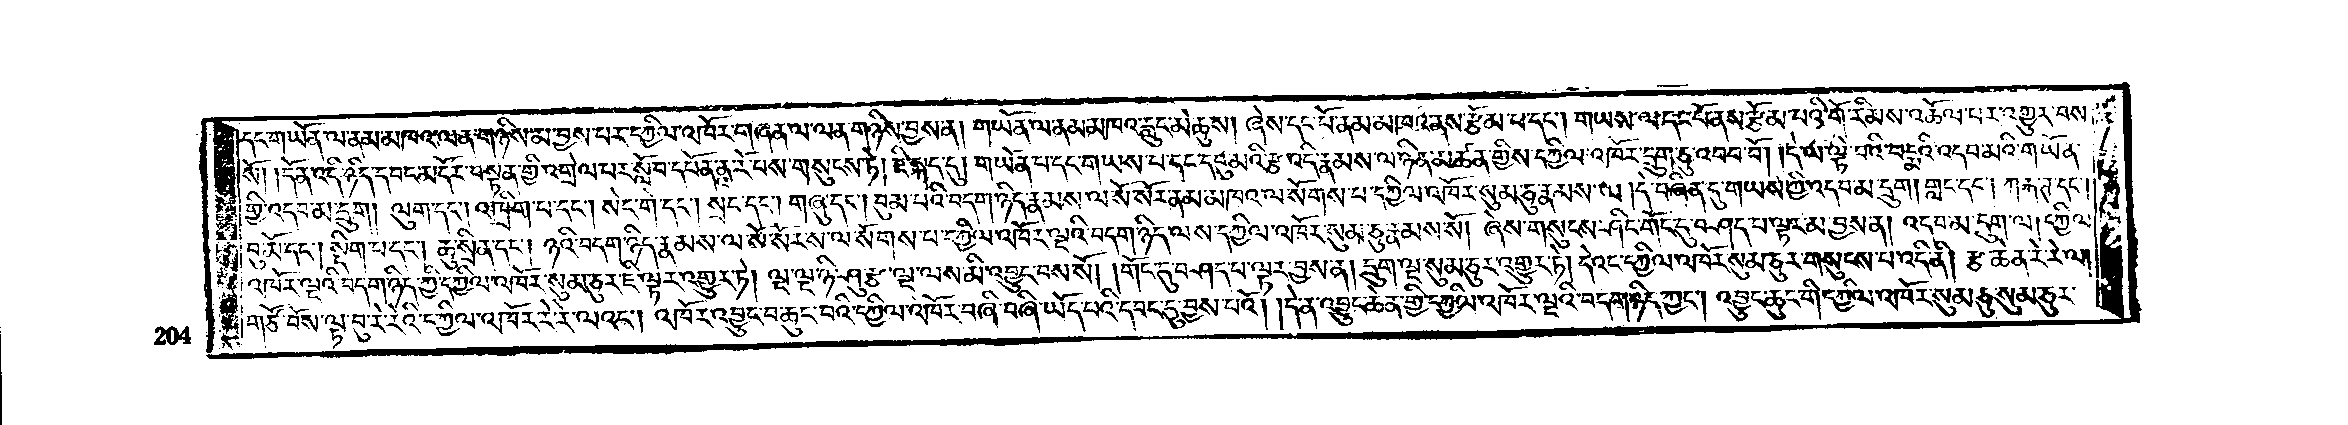དང་གཡོན་ལ་ནམ་མཁའ་ལན་གཉིས་མ་བྱས་པར་དཀྱིལ་འཁོར་གཞན་ལ་ལན་གཉིས་བྱས་ན། གཡོན་ལ་ནམ་མཁའ་རླུང་མེ་ཆུས། ཞེས་དང་པོ་ནམ་མཁའི་ནས་རྩོམ་པ་དང་། གཡས་ལ་དང་པོ་ནས་རྩོམ་པའི་གོ་རིམས་འཆོལ་བར་འགྱུར་བས་
སོ། །དོན་འདི་ཉིད་དབང་མདོར་བསྟན་གྱི་འགྲེལ་པར་སློབ་དཔོན་ནཱ་རོ་པས་གསུངས་ཏེ། ཇི་སྐད་དུ། གཡོན་པ་དང་གཡས་པ་དང་དབུ་མའི་རྩ་འདི་རྣམས་ལ་ཉིན་མཚན་གྱིས་དཀྱིལ་འཁོར་དྲུག་ཅུ་འབབ་བོ། །དེ་ལ་ལྟེ་བའི་པདམའི་འདབ་མའི་གཡོན་
གྱི་འདབ་མ་དྲུག །ལུག་དང་། འཁྲིག་པ་དང་། སེང་གེ་དང་། སྲང་དང་། གཞུ་དང་། བུམ་པའི་བདག་ཉིད་རྣམས་ལ་སོ་སོར་ནམ་མཁའ་ལ་སོགས་པ་དཀྱིལ་འཁོར་སུམ་ཅུ་རྣམས་ལ། དེ་བཞིན་དུ་གཡས་ཀྱི་འདབ་མ་དྲུག །གླང་དང་། ཀ་རྐ་ཊ་དང་།
བུ་མོ་དང་། སྡིག་པ་དང་། ཆུ་སྲིན་དང་། ཉའི་བདག་ཉིད་རྣམས་ལ་སོ་སོར་ས་ལ་སོགས་པ་དཀྱིལ་འཁོར་ལྔའི་བདག་ཉིད་ལས་དཀྱིལ་འཁོར་སུམ་ཅུ་རྣམས་སོ། ཞེས་གསུངས་ཤིང་གོང་དུ་བཤད་པ་ལྟར་མ་བྱས་ན། འདབ་མ་དྲུག་ལ། དཀྱིལ་
འཁོར་ལྔའི་བདག་ཉིད་ཀྱི་དཀྱིལ་འཁོར་སུམ་ཅུར་ཇི་ལྟར་འགྱུར་ཏེ། ལྔ་ལྔ་ཉི་ཤུ་རྩ་ལྔ་ལས་མི་འབྱུང་བས་སོ། །གོང་དུ་བཤད་པ་ལྟར་བྱས་ན། དྲུག་ལྔ་སུམ་ཅུར་འགྱུར་ཏེ། དེའང་དཀྱིལ་འཁོར་སུམ་ཅུར་གསུངས་པ་འདི་ནི། རྩ་ཆེན་རེ་རེ་ལ།
གཙོ་བོས་ལྟ་བུ་རེ་རེའི་དཀྱིལ་འཁོར་རེ་རེ་ལའང་། འཁོར་འབྱུང་བ་ཆུང་བའི་དཀྱིལ་འཁོར་བཞི་བཞི་ཡོད་པའི་དབང་དུ་བྱས་པའོ། །དེ་ན་འབྱུང་ཆེན་གྱི་དཀྱིལ་འཁོར་ལྔའི་བདག་ཉིད་ཀྱང་། འབྱུང་ཆུང་གི་དཀྱིལ་འཁོར་སུམ་ཅུ་སུམ་ཅུར་